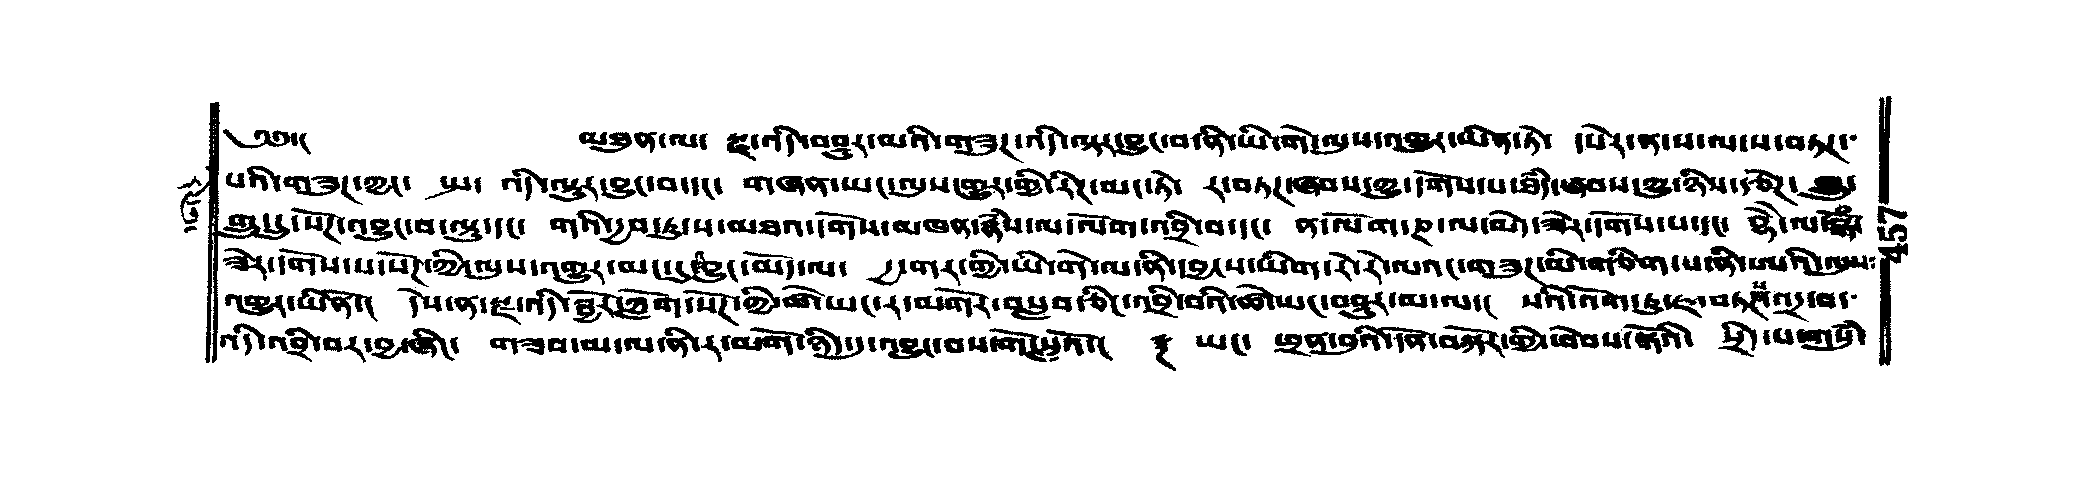མཐུན་ལ། རྫ་འདི་བཤུར་མའི་གཟུགས་འདི་ལྟར་བྱུང་བ་ནི་ཡི་གེ་ལུས་འགྱུར་ཡིན་ཏེ། དཔེར་ན་ས་ལ་པ་བཏགས་
པའི་གཟུགས་ཀྱང་། སྤ། འདི་ལྟ་བུར་བྱུང་བ་དང་། གཞན་ཡང་ལུས་གྱུར་གྱི་རིགས་མ་ཏེ། ར་བཏགས་ཞབས་ཀྱུ་དགོས་པ་ཐམས་ཅད་ཞབས་ཀྱུ་ཉིས་རྩེགས། ཁྲུ་
གྲུ་དྲུ་སོགས་འབྱུང་བ་ལྟ་བུ་དང་། གའི་རྒྱབ་ཏུ་ས་མཐའ་དགོས་མཁན་རྣམས་ལ་ལོག་འབྲི་བ་དང་། ན་ལོག་ཎ་ལ་མེད་ཟེར་དགོས་པ་དང་། བྷཻ་ལ་སྒོམ་
ཟེར་དགོས་པ་སོགས་ཀྱི་ལུས་འགྱུར་མང་དུ་འབྱུང་མོད་ལ། རྒྱ་གར་གྱི་ཡི་གེ་ལ་ནི་དབྱངས་ཡིག་རེ་རེ་ལའང་གཟུགས་མི་གཅིག་པ་ནི་ཨའི་ལུས་
འགྱུར་ཡིན་ནོ། དེས་ན་རྫ་འདི་སྦྱོར་ཀློག་སོགས་ཀྱི་ཚེ་ཡང་ར་མགོར་བསླབ་ཅིང་འབྲི་བའི་ཚེ་ཡང་བཤུར་མ་ལ།སའི་འོག་ཏུ་ཇ་བཏགས་འདྲ་བ་
འདི་འབྲི་བར་བྱ་ཞིང་། གཟབ་མ་ལ་ནི་ར་མགོ་ཉིད་དུ་འབྱུང་བས་གོ་སླའོ།། ཡང་། ཕྲན་བུའི་དོན་བསྐོར་གྱི་ཕེབས་སྒོའི། སྲིད་པ་གསུམ་